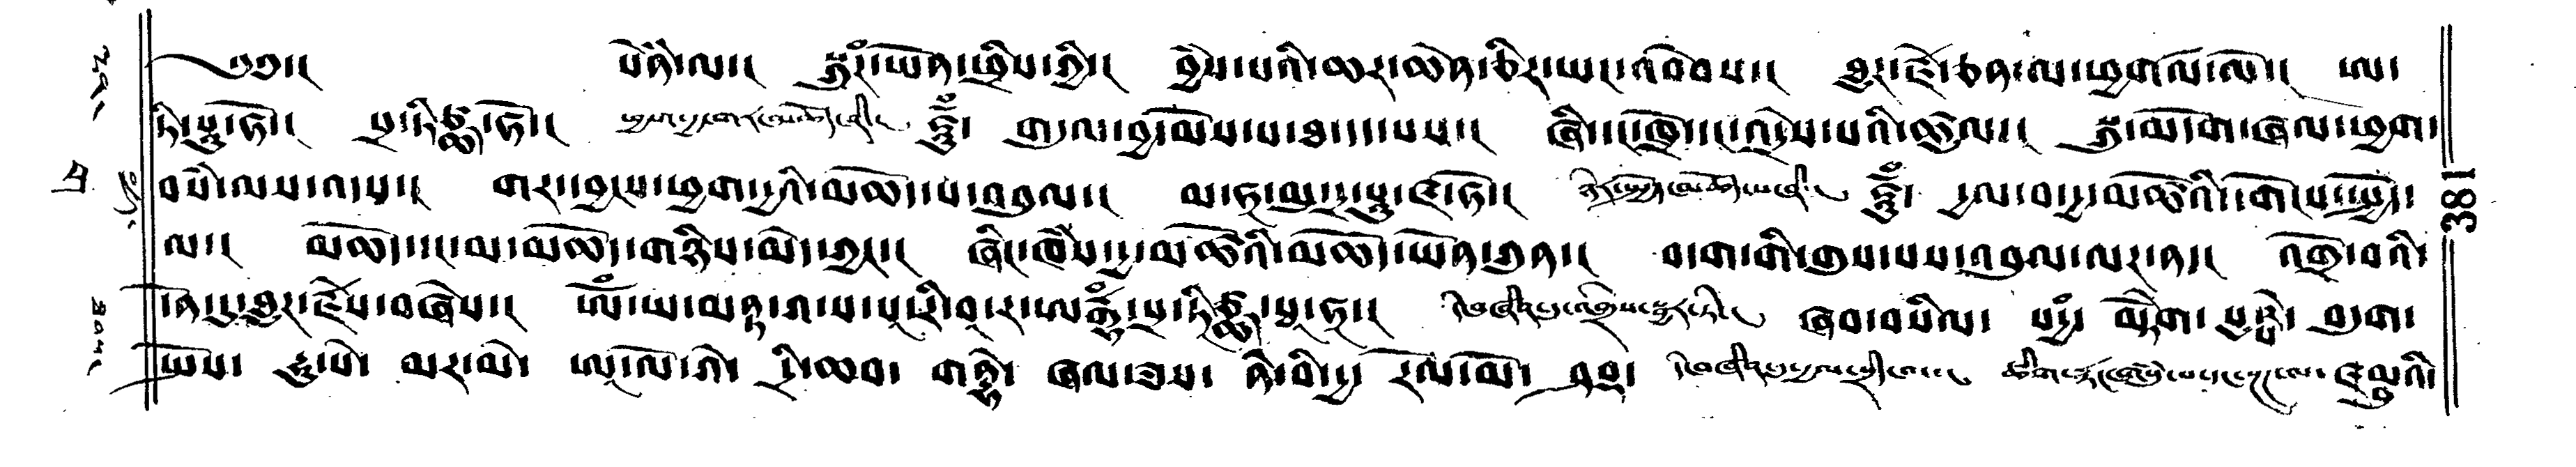སེམས་ཅན་ལ། །སྐུ་གསུང་ཐུགས་ཡོན་ཕྲིན་ལས་ཀྱི། །བྱམས་པའི་ཆར་ཆེན་ཅིར་ཡང་འབེབས། །ཐུགས་རྗེ་ཅན་ལ་ཕྱག་འཚལ་ལོ། ཨ་
ཏི་པཱུ་ཧོ། པྲ་ཏིཙྪ་ཧོ། ཕྱག་རྒྱ་གར་མཆོད་ནི། ཧཱུྃ། གདུལ་བྱ་མོས་པ་ཐ་དད་པས། །ཞི་དང་ཁྲོ་དང་འདྲེས་པའི་ཚུལ། །སྐུ་མདོག་ཞལ་ཕྱག་
བསམ་ལས་འདས།གར་དབྱངས་ཕྱག་རྒྱའི་མཆོད་པ་འབུལ། མ་ཧཱ་མུ་དྲ་པཱུ་ཛ་ཧོ། ཉེར་སྤྱོད་མཆོད་པ་ནི། ཧཱུྃ། རྒྱལ་བ་རྒྱ་མཚོའི་དགོངས་སྤྱོད་
ལ། །མཆོད་དང་མ་མཆོད་གཉིས་མེད་ཀྱང་། །ཞིང་ཁམས་རྒྱ་མཚོའི་མཆོད་ཡོན་ཀུན། བདག་གི་གུས་པས་འབུལ་ལགས་ན། །འགྲོ་བའི་
དོན་དུ་ཐུགས་རྗེས་བཞེས། ཨོཾ་ཡ་མནྟ་ཀ་པ་པཱ་རི་བཱ་ར་ཨརྒྷཾ་པྲ་ཏཱིཙྪ་སྭ་ཧཱ། དེ་བཞིན་དུ་འགྲེས་སྦྱར་ཏེ། ཞབ་བསིལ། པཏྱཾ། མེ་ཏོག་པུཥྤེ། བདུག་
སྤོས། དྷུ་པེ། མར་མེ། ཨཱ་ལོ་ཀེ དྲི་ཆབ། གནྡྷེ། ཞལ་ཟས། ནེ་བི་ཏྱ། རོལ་མོ། ཤབྟ། དེ་བཞིན་དུ་རྒྱལ་སྲིད་ལ། ཚིག་རྐང་གསུམ་པ་དང་སྔགས་ལ། ཛམྦུའི་